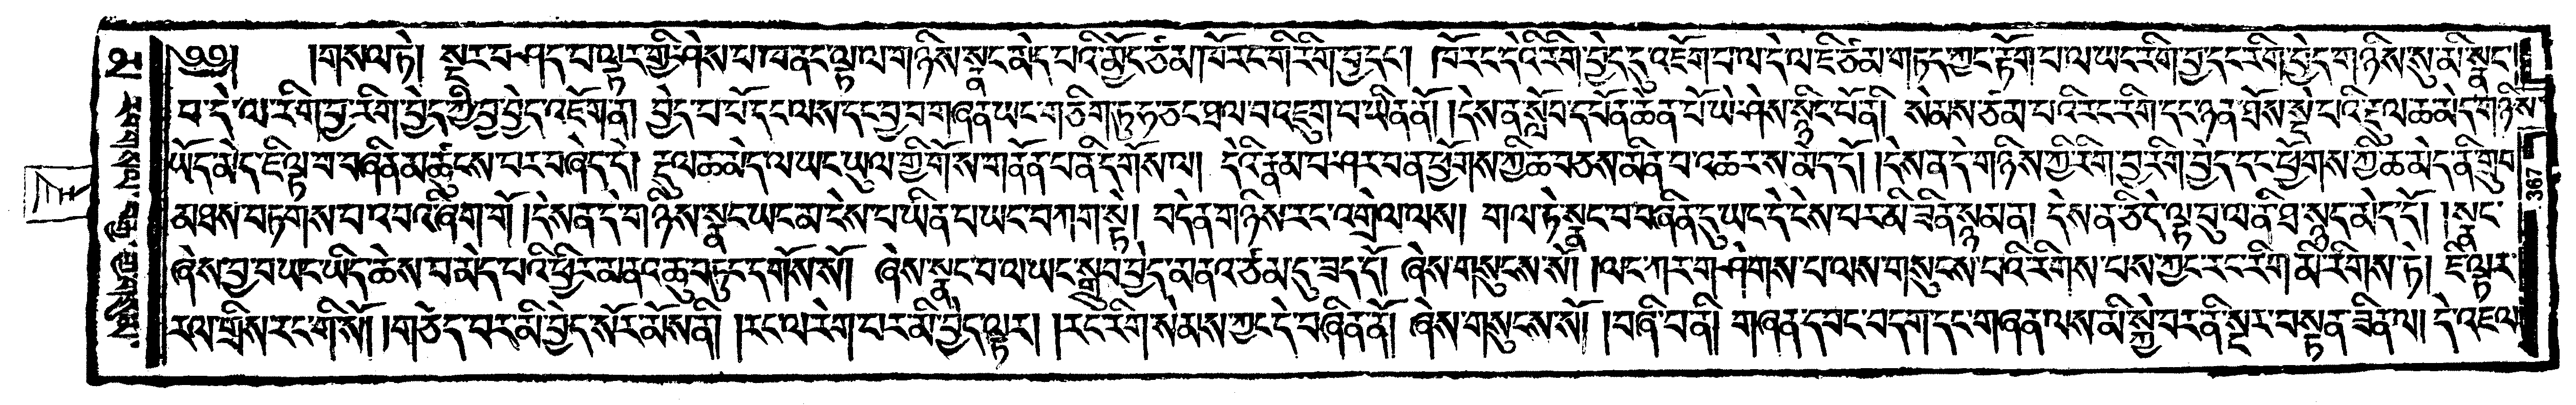༄༅། །གསལ་ཏེ། སྔར་བཤད་པ་ལྟར་གྱི་ཤེས་པ་ཁ་ནང་ལྟ་ལ་གཉིས་སྣང་མེད་པའི་མྱོང་ཙམ་ཁོ་རང་གི་རིག་བྱ་དང་། ཁོ་རང་དེའི་རིག་བྱེད་དུ་འཇོག་པ་ལ་དེ་ལ་ཇི་ཙམ་གཏད་ཀྱང་རྟོག་པ་ལ་ཡང་རིག་བྱ་དང་རིག་བྱེད་གཉིས་སུ་མི་སྣང་
བ་དེ་ལ་རིག་བྱ་རིག་བྱེད་ཀྱི་བྱ་བྱེད་འཇོག་ན། བྱེད་པ་པོ་དང་ལས་དང་བྱ་བ་གཞན་ཡང་གཅིག་ཏུ་ཧ་ཅང་ཐལ་བ་འཇུག་པ་ཡིན་ནོ། །དེས་ན་སློབ་དཔོན་ཆེན་པོ་ཡེ་ཤེས་སྙིང་པོ་ནི། སེམས་ཙམ་པའི་རང་རིག་དང་ཉན་ཐོས་སྡེ་པའི་རྡུལ་ཆ་མེད་གཉིས་
ཡོད་མེད་ཇི་ལྟ་བ་བཞིན་མཚུངས་པར་བཞེད་དེ། རྡུལ་ཆ་མེད་ལ་ཡང་ཡུལ་གྱི་གོ་ས་གནོན་པ་ནི་དགོས་ལ། དེའི་རྣམ་པ་ཤར་བ་ན་ཕྱོགས་ཀྱི་ཆ་བཅས་མིན་པ་འཆར་ས་མེད་དོ། །དེས་ན་དེ་གཉིས་ཀྱི་རིག་བྱ་རིག་བྱེད་དང་ཕྱོགས་ཀྱི་ཆ་མེད་ནི་གྲུབ་
མཐས་བཏགས་པ་འབའ་ཞིག་གོ །དེས་ན་དེ་གཉིས་སྣང་ཡང་མ་ངེས་པ་ཡིན་པ་ཡང་བཀག་སྟེ། བདེན་གཉིས་རང་འགྲེལ་ལས། གལ་ཏེ་སྣང་བ་བཞིན་དུ་ཡང་དེ་ངེས་པར་མི་ཟིན་སྙམ་ན། དེས་ན་ཅི་དེ་ལྟ་བུ་ལ་ནི་ཐ་སྙད་མེད་དོ། །སྣང་
ཞེས་བྱ་བ་ཡང་ཡིད་ཆེས་པ་མེད་པའི་ཕྱིར་མནའ་ཆུ་བཏུང་དགོས་སོ། ཞེས་སྣང་བ་ལ་ཡང་སྒྲུབ་བྱེད་མནའ་ཙམ་དུ་ཟད་དོ། ཞེས་གསུངས་སོ། །ལང་ཀར་གཤེགས་པ་ལས་གསུངས་པའི་རིགས་པས་ཀྱང་རང་རིག་མི་རིགས་ཏེ། ཇི་ལྟར་
རལ་གྲིས་རང་གི་སོ། །གཅོད་པར་མི་བྱེད་སོར་མོས་ནི། །རང་ལ་རེག་པར་མི་བྱེད་ལྟར། །རང་རིག་སེམས་ཀྱང་དེ་བཞིན་ནོ། ཞེས་གསུངས་སོ། །བཞི་པ་ནི། གཞན་དབང་བདག་དང་གཞན་ལས་མི་སྐྱེ་བར་ནི་སྔར་བསྟན་ཟིན་ལ། དེ་འཇལ་